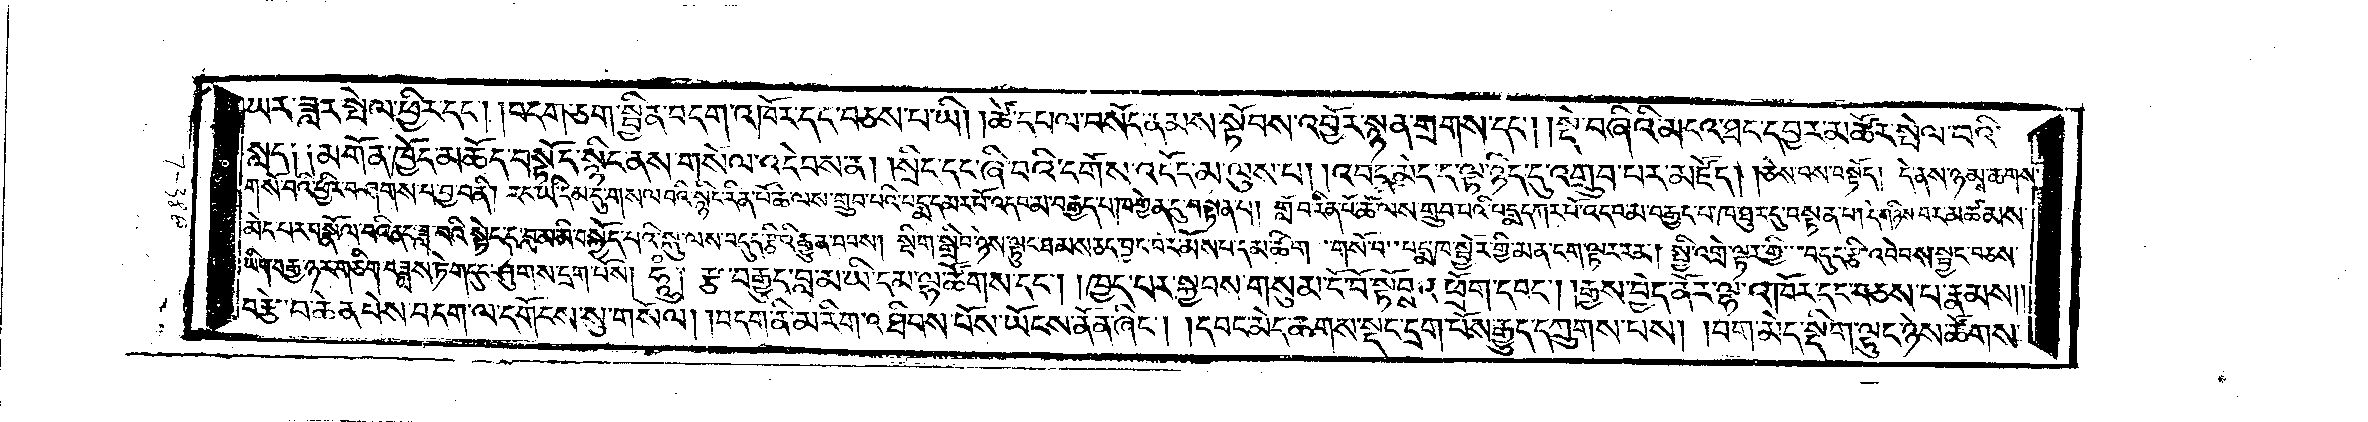པར་ཟླར་སྤེལ་ཕྱིར་དང་། །བདག་ཅག་སྦྱིན་བདག་འཁོར་དང་བཅས་པ་ཡི། །ཚེ་དཔལ་བསོད་ནམས་སྟོབས་འབྱོར་སྙན་གྲགས་དང་། །སྡེ་བཞིའི་མངའ་ཐང་དབྱར་མཚོར་སྤེལ་བའི་
སླད༑ ༑མགོན་ཁྱོད་མཆོད་བསྟོད་སྙིང་ནས་གསོལ་འདེབས་ན། །སྲིད་དང་ཞི་བའི་དགོས་འདོད་མ་ལུས་པ། །འབད་མེད་ད་ལྟ་ཉིད་དུ་འགྲུབ་པར་མཛོད། །ཅེས་བས་བསྟོད། དེ་ནས་ཉམས་ཆགས་
གསོ་བའི་ཕྱིར་བཤགས་པ་བྱ་བ་ནི། རང་ཡི་དམ་དུ་གསལ་བའི་སྙིང་རིན་པོ་ཆེ་ལས་གྲུབ་པའི་པདམ་དམར་པོ་འདབ་མ་བརྒྱད་པ་ཁ་གྱེན་དུ་བསྟན་པ། གློ་བ་རིན་པོ་ཆེ་ལས་གྲུབ་པའི་པདམ་དཀར་པོ་འདབ་མ་བརྒྱད་པ་ཁ་ཐུར་དུ་བསྟན་པ། དེ་གཉིས་པར་མཚམས་
མེད་པར་བསྣོལ་བའི་ནང་ཟླ་བའི་སྟེང་དུ་བླ་མ་མི་བསྐྱོད་པའི་སྐུ་ལས་བདུད་རྩིའི་རྒྱུན་བབས། སྡིག་སྒྲིབ་ཉེས་ལྟུང་ཐམས་ཅད་བྱང་བར་མོས་པ་དམ་ཚིག་གསོ་བ་པདམ་ཁ་སྦྱོར་གྱི་མན་ངག་ལྟར་རམ། སྤྱི་འགྲེ་ལྟར་གྱི་བདུད་རྩི་འབེབས་སྦྱང་བཅས་
ཡིག་བརྒྱ་ཉར་གཅིག་བཟླས་ཏེ་གདུང་ཤུགས་དྲག་པོས། ཧཱུཾ༑ རྩ་བརྒྱུད་བླ་མ་ཡི་དམ་ལྷ་ཚོགས་དང་། །ཁྱད་པར་སྐྱབས་གསུམ་ངོ་བོ་སྟོབས་འཕྲོག་དབང་། །རྒྱས་བྱེད་ནོར་ལྷ་འཁོར་དང་བཅས་པ་རྣམས།།
བརྩེ་བ་ཆེན་པོས་བདག་ལ་དགོངས་སུ་གསོལ། །བདག་ནི་མ་རིག་འཐིབས་པོས་ཡོངས་ནོན་ཞིང་། །དབང་མེད་ཆགས་སྡང་དྲག་པོས་རྒྱུད་དཀྲུགས་པས། །བག་མེད་སྡིག་ལྟུང་ཉེས་ཚོགས་